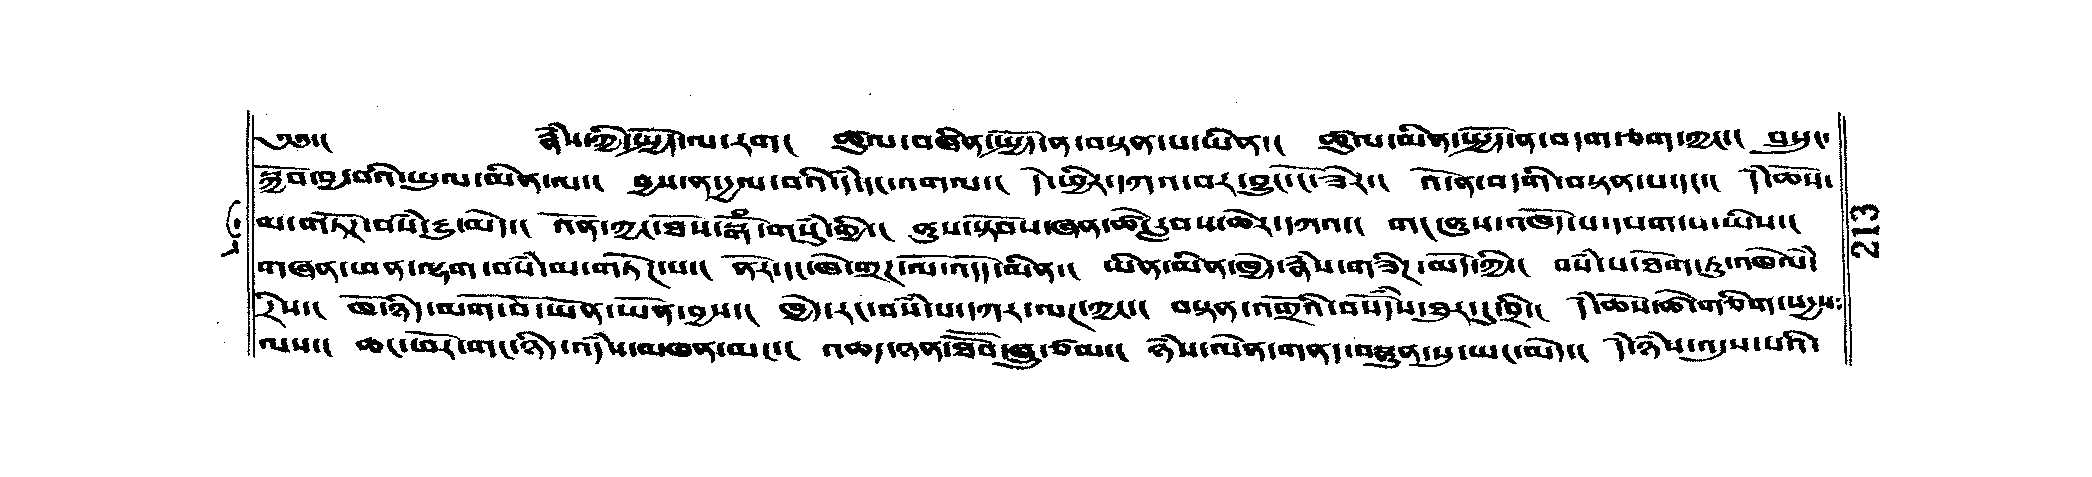རྣམས་ཀྱི་སྤྱོད་ལ་རག །ཚུལ་བཞིན་སྤྱོད་ན་བསྟན་པ་ཡིན། །ཚུལ་མིན་སྤྱོད་ན་བདག་ཅག་ཀྱང་། །བསྲུང་
སྐྱོབ་བྱ་བའི་ཡུལ་མིན་ལ། །བྱས་ན་རྒྱལ་བའི་དམ་དང་འགལ། །དེ་ཕྱིར་དཀའ་བར་བྱུང་ངོ་ཟེར། །འོ་ན་བདག་གི་བསྟན་པ་དང་། །དམ་ཆོས་
མ་གཏོགས་བསམ་རྒྱུ་མེད། །འོན་ཀྱང་ཐོས་སྒོམ་བསམ་གསུམ་གྱི། །ནུས་སྟོབས་ཞན་ཚེ་རླབས་ཆེར་དཀའ། །གང་ནུས་འཁོས་ལ་དཔགས་པ་ཡིས། །
གཞན་ཕན་ལྷག་བསམ་མ་གཏོགས་པ། །ནོར་དང་ཁེ་གྲགས་ལ་འདོད་མིན། །ཡིན་མིན་ཁྱེད་རྣམས་གཟིགས་མོད་ཀྱི། །བསམ་པ་ཐོག་ཏུ་འཁེལ་
ལམ་དྲིས། །ཁོ་ཉིད་མགོ་བོ་ཡོན་ཡོན་བྱས། །ཁྱེད་རང་བསམ་པ་དཀར་ལགས་ཀྱང་། །བསྟན་འགྲོའི་བསོད་ནམས་ཐུར་དུ་བྲི། །དམ་ཆོས་ཚེ་གཅིག་སངས་རྒྱས་
ལས། །ཆང་ཕོར་གང་ཉིད་འདམས་མཁན་མང་། །འཆད་ཉན་ཐོབ་ལོ་ཞུ་ལོ་ཙམ། །ཉམས་ལེན་གནད་བསྣུན་སུ་ཡང་མེད། །དམ་ཉམས་འདུས་པའི་